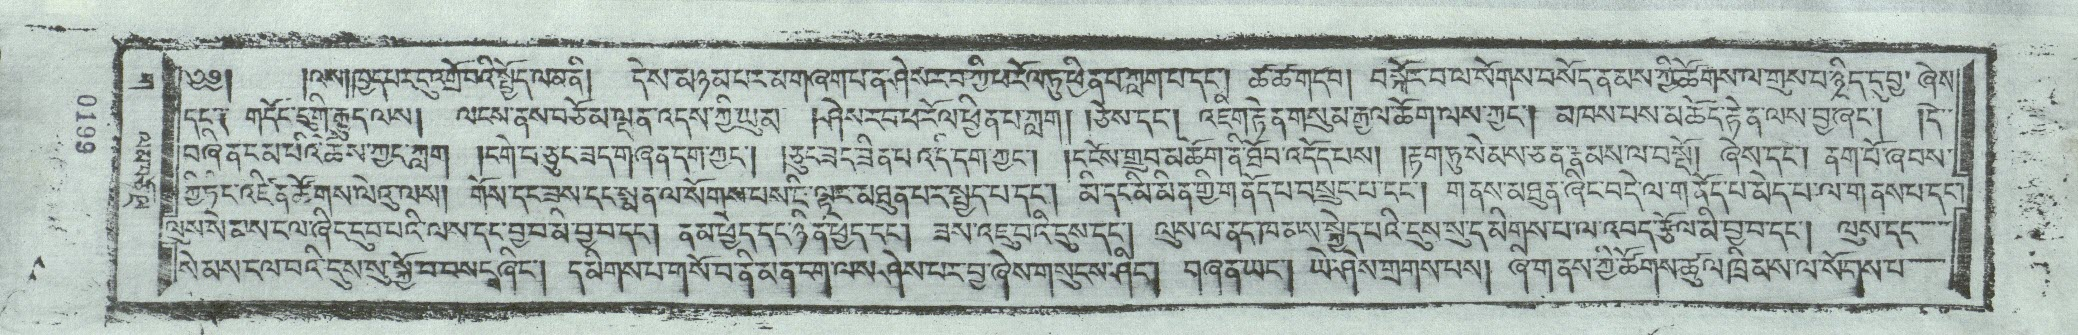༄༅། །ལས། ཁྱད་པར་དུ་འགྲོ་བའི་སྤྱོད་ལམ་ནི། དེས་མཉམ་པར་མ་གཞག་པ་ན་ཤེས་རབ་ཀྱི་ཕ་རོལ་ཏུ་ཕྱིན་པ་ཀླག་པ་དང་། ཚ་ཚ་གདབ། བསྐོར་བ་ལ་སོགས་བསོད་ནམས་ཀྱི་ཚོགས་ལ་གུས་པ་ཉིད་དུ་བྱ། ཞེས་
དང༑ གདོང་དྲུག་གི་རྒྱུད་ལས། ལངས་ནས་བཅོམ་ལྡན་འདས་ཀྱི་ཡུམ་།ཤེས་རབ་ཕ་རོལ་ཕྱིན་པ་ཀླག། །ཅེས་དང་། འཇིག་རྟེན་གསུམ་རྒྱལ་ཆོག་ལས་ཀྱང་། མཁས་པས་མཆོད་རྟེན་ལས་བྱ་ཞིང་། །དེ་
བཞིན་དམ་པའི་ཆོས་ཀྱང་ཀླག །དགེ་བ་ཅུང་ཟད་གཞན་དག་ཀྱང་། །ཅུང་ཟད་ཟིན་པ་འདི་དག་ཀྱང་། །དངོས་གྲུབ་མཆོག་ནི་ཐོབ་འདོད་པས། །རྟག་ཏུ་སེམས་ཅན་རྣམས་ལ་བསྔོ། ཞེས་དང་། ནག་པོ་ཞབས་
ཀྱི་ཏིང་འཛིན་ཚོགས་ལེའུ་ལས། གོས་དང་ཟས་དང་སྨན་ལ་སོགས་པས་ཇི་ལྟར་མཐུན་པར་སྤྱད་པ་དང་། མི་དང་མི་མིན་གྱི་གནོད་པ་བསྲུང་པ་དང་། གནས་མཐུན་ཞིང་བདེ་ལ་གནོད་པ་མེད་པ་ལ་གནས་པ་དང་།
ལུས་སེམས་ངལ་ཞིང་དུ་བ་པའི་ལས་དང་བྱ་བ་མི་བྱ་བ་དང་། ནམ་ཕྱེད་དང་ཉིན་ཕྱེད་དང་། ཟས་འཇུ་བའི་དུས་དང་། ལུས་ལ་ནང་ཁམས་སྐྱེད་པའི་དུས་སུ་དམིགས་པ་ལ་འབད་རྩོལ་མི་བྱ་བ་དང་། ལུས་དང་
སེམས་ངལ་བའི་དུས་སུ་སྐྱོ་བ་བསངས་ཞིང་། དམིགས་པ་གསོ་བ་ནི་མན་ངག་ལས་ཤེས་པར་བྱ་ཞེས་གསུངས་ཤིང་། གཞན་ཡང་། ཡེ་ཤེས་གྲགས་པས། ཞི་གནས་ཀྱི་ཚོགས་ཚུལ་ཁྲིམས་ལ་སོགས་པ་